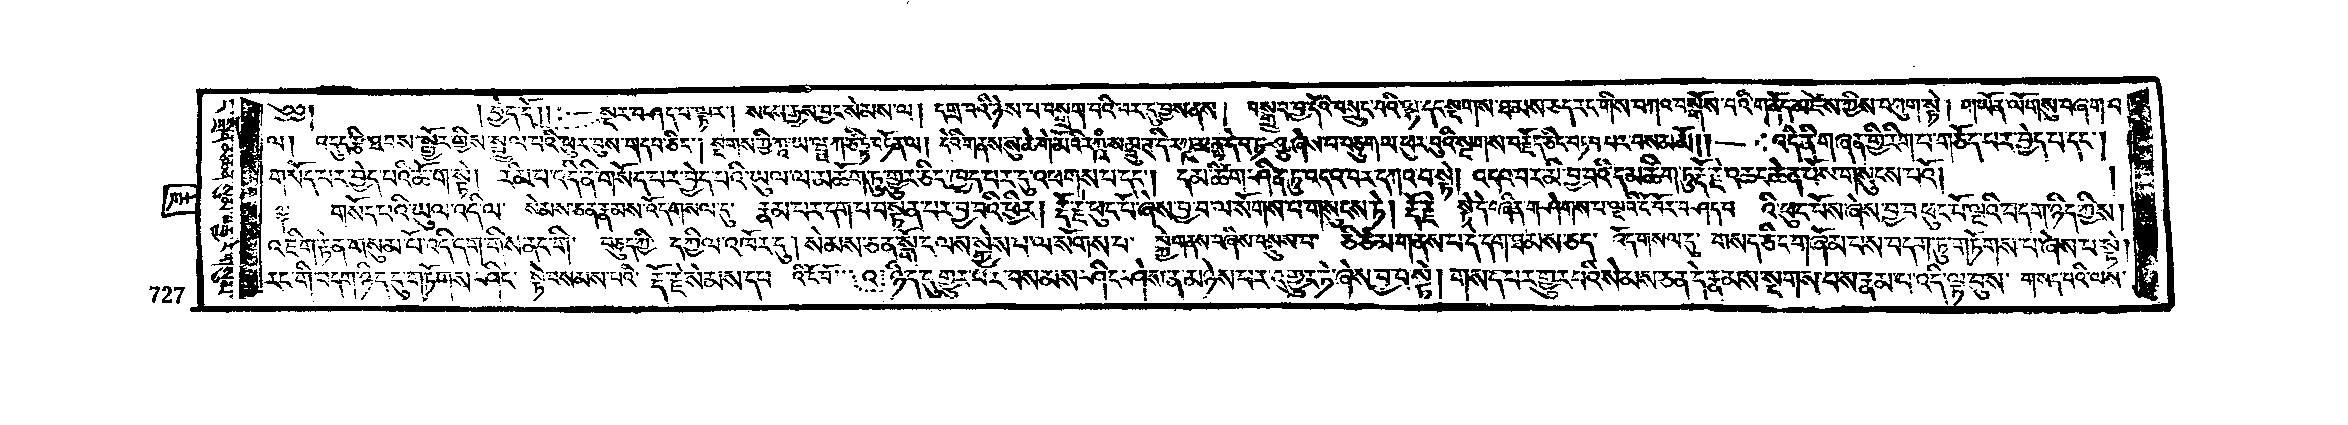༄༅། །བྱེད་དོ།། H.་སྔར་བཤད་པ་ལྟར། སངས་རྒྱས་བྱང་སེམས་ལ། དགྲ་བའི་ཉེས་པ་བསྒྲག་པའི་བར་དུ་བྱས་ནས། བསྒྲུབ་བྱ་དེའི་བསྲུང་བའི་ལྷ་དང་སྔགས་ཐམས་ཅད་རང་གིས་བཀའ་བསྒོས་པའི་གནོད་མཛེས་ཀྱིས་བཀུག་སྟེ། གཡོན་ལོགས་སུ་བཞག་པ་
ལ། བདུད་རྩི་ཐབས་སྦྱོར་གྱིས་སྤྲུལ་པའི་ཕུར་བུས་གདབ་ཅིང་། སྔགས་ཀྱི་ཀཱ་ཡ་ཝཱ་ཀ་ཙིཏྟ་བཏོན་ལ། དེའི་གནས་སུ་ཆེ་གེ་མོའི་རཀྵཾ་སམྦུ་ཊ་དི་རཀྵ་མནྟ་དེ་བ་ཏ་ཤྩ་ཞེས་པ་བཅུག་ལ་ཕུར་བུའི་སྔགས་བརྗོད་ཅིང་བཏབ་པར་བསམ་མོ།། .H འདི་ནི་གཞན་གྱི་རིག་པ་གཅོད་པར་བྱེད་པ་དང་།
གསོད་པར་བྱེད་པའི་ཆོ་ག་སྟེ། རིམ་པ་འདི་ནི་གསོད་པར་བྱེད་པའི་ཡུལ་ལ་མཆོག་ཏུ་གྱུར་ཅིང་ཁྱད་པར་དུ་འཕགས་པ་དང་། དམ་ཚིག་ཤིན་ཏུ་འདའ་བར་དཀའ་བ་སྟེ། འདའ་བར་མི་བྱ་བའི་དམ་ཚིག་ཏུ་རྡོ་རྗེ་འཆང་ཆེན་པོས་གསུངས་པའོ། །
༈ གསོད་པའི་ཡུལ་འདི་ལ་སེམས་ཅན་རྣམས་འོད་གསལ་དུ་རྣམ་པར་དག་པ་བསྟན་པར་བྱ་བའི་ཕྱིར། རྡོ་རྗེ་ཕུང་པོ་ཞེས་བྱ་བ་ལ་སོགས་པ་གསུངས་ཏེ། རྡོ་རྗེ་སྟེ་དེ་བཞིན་གཤེགས་པ་ལྔའི་ངོ་བོར་བཤད་པ་འི་ཕུང་པོས་ཞེས་བྱ་བ་ཕུང་པོ་ལྔའི་བདག་ཉིད་ཀྱིས།
འཇིག་རྟེན་གསུམ་པོ་འདི་དག་གིས་ནང་གི་བཅུད་ཀྱི་དཀྱིལ་འཁོར་དུ། སེམས་ཅན་སྒོ་ང་ལས་སྐྱེས་པ་ལ་སོགས་པ་སྐྱེ་གནས་བཞིས་བསྡུས་པ་ཅི་ཙམ་གནས་པ་དེ་དག་ཐམས་ཅད་འོད་གསལ་དུ་གསད་ཅིང་གཞོམ་པས་བདག་ཏུ་གཏོགས་པ་ཞེས་པ་སྟེ།
རང་གི་བདག་ཉིད་དུ་གཏོགས་ཤིང་སྟེ་བསམས་པའི་རྡོ་རྗེ་སེམས་དཔ་འི་ངོ་བོ་འ་ཉིད་དུ་གྱུར་པར་བསམས་ཤིང་ཤེས་ན་མཉེས་པར་འགྱུར་ཏེ་ཞེས་བྱ་བ་སྟེ། གསད་པར་གྱུར་པའི་སེམས་ཅན་དེ་རྣམས་སྔགས་པས་རྣམ་པ་འདི་ལྟ་བུས་གསད་པའི་ལས